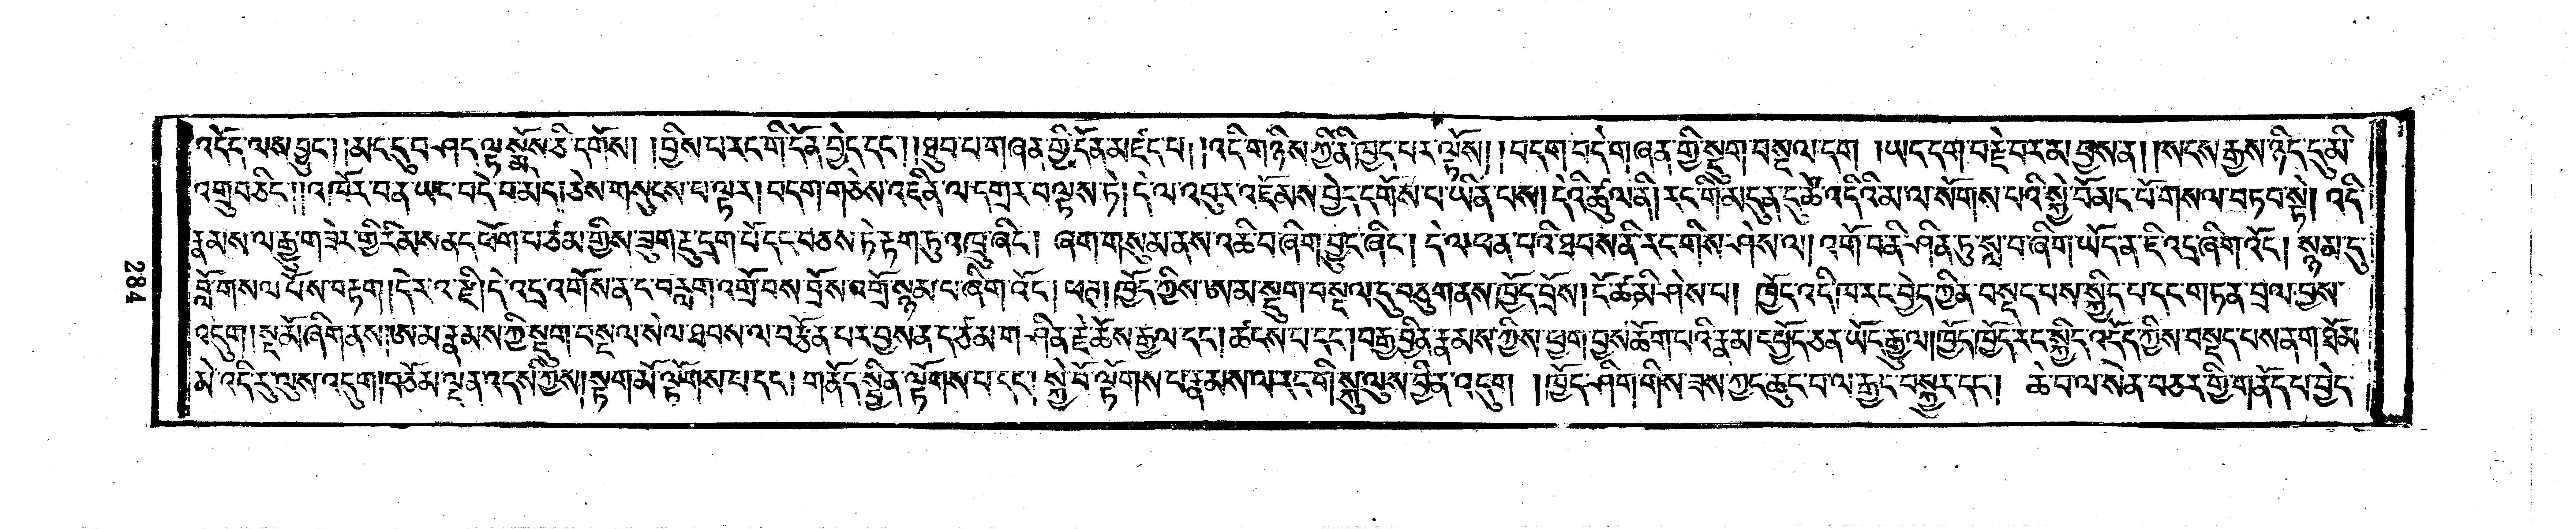འདོད་ལས་བྱུང་། །མང་དུ་བཤད་ལྟ་སྨོས་ཅི་དགོས། །བྱིས་པ་རང་གི་དོན་བྱེད་དང་། །ཐུབ་པ་གཞན་གྱི་དོན་མཛད་པ། །འདི་གཉིས་ཀྱི་ནི་ཁྱད་པར་ལྟོས། །བདག་བདེ་གཞན་གྱི་སྡུག་བསྔལ་དག །ཡང་དག་བརྗེ་བར་མ་བྱས་ན། །སངས་རྒྱས་ཉིད་དུ་མི་
འགྲུབ་ཅིང་། །འཁོར་བ་ན་ཡང་བདེ་བ་མེད། ཅེས་གསུངས་པ་ལྟར། བདག་གཅེས་འཛིན་ལ་དགྲར་བལྟས་ཏེ། དེ་ལ་འབུར་འཇོམས་བྱེད་དགོས་པ་ཡིན་པས། དེའི་ཚུལ་ནི། རང་གི་མདུན་དུ་ཚེ་འདིའི་མ་ལ་སོགས་པའི་སྐྱེ་བོ་མང་པོ་གསལ་བཏབ་སྟེ། འདི་
རྣམས་ལ་རྒྱུ་གཟེར་གྱི་རིམས་ནད་ཕོག་པ་ཙམ་གྱིས་ཟུག་རྡུ་དྲག་པོ་དང་བཅས་ཏེ་རྟག་ཏུ་འཁྲུ་ཞིང་། ཞག་གསུམ་ནས་འཆི་བ་ཞིག་བྱུང་ཞིང་། དེ་ལ་ཕན་པའི་ཐབས་ནི་རང་གིས་ཤེས་ལ། འོག་བ་ནི་ཤིན་ཏུ་སླ་བ་ཞིག་ཡོད་ན་ཇི་འདྲ་ཞིག་འོང་། སྙམ་དུ་
བློ་གསལ་པོས་བརྟག །དེར་འྲྫི། དེ་འདྲ་འགོས་ན་ང་བརླག་འགྲོ་བས་བྲོས་འགྲོ་སྙམ་པ་ཞིག་འོང་། ཕཊ། ཁྱོད་ཀྱིས་ཨ་མ་སྡུག་བསྔལ་དུ་བཅུག་ནས་ཁྱོད་བྲོས། ངོ་ཚ་མི་ཤེས་པ། ཁྱོད་འདི་ཁ་རང་བྱེད་ཀྱིན་བསྡད་པས་སྐྱིད་པ་དང་གཏན་བྲལ་བྱས་
འདུག །སྔ་མོ་ཞིག་ནས། ཨ་མ་རྣམས་ཀྱི་སྡུག་བསྔལ་སེལ་ཐབས་ལ་བརྩོན་པར་བྱས་ནད་ཙམ་གཤིན་རྗེ་ཆོས་རྒྱལ་དང་། ཚངས་པ་དང་། བརྒྱ་བྱིན་རྣམས་ཀྱིས་ཕྱག་བྱས་ཆོག་པའི་རྣམ་དཔྱོད་ཅན་ཡོད་རྒྱུ་ལ་།ཁྱོད་ཁྱོད་རང་སྐྱིད་འདོད་ཀྱིས་བསྡད་པས་ནག་ཐོམ་
མེ་འདི་རུ་ལུས་འདུག །བཅོམ་ལྡན་འདས་ཀྱིས། སྟག་མོ་ལྟོགས་པ་དང་། གནོད་སྦྱིན་ལྟོགས་པ་དང་། སྐྱེ་བོ་ལྟོགས་པ་རྣམས་ལ་རང་གི་སྐུ་ལུས་བྱིན་འདུག །ཁྱོད་ཤིག་གིས་ཟས་ཀྱང་ཆུང་བ་ལ་རྒྱང་བསྐྱུར་དང་། ཆེ་བ་ལ་སེན་བཅར་གྱི་གནོད་པ་བྱེད་